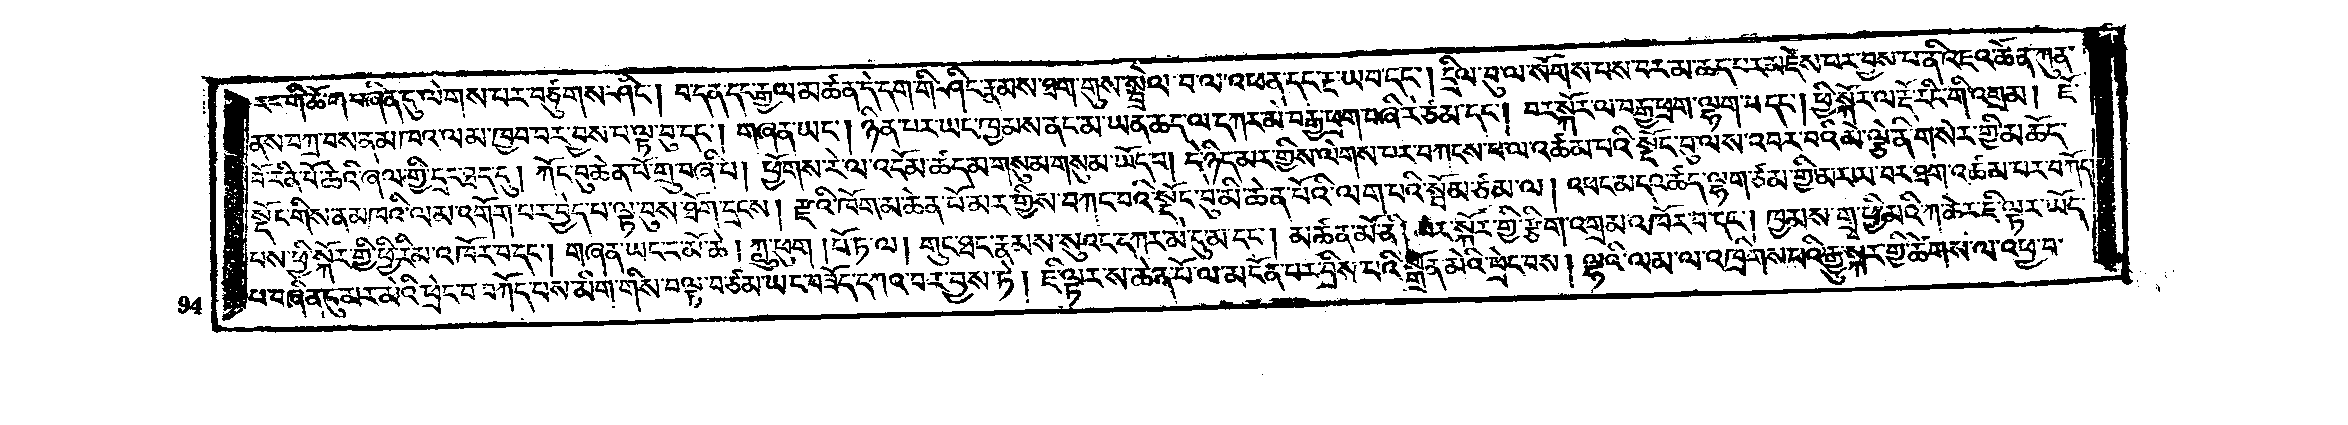རང་གི་ཆོ་ག་བཞིན་དུ་ལེགས་པར་བཙུགས་ཤིང་། བ་དན་དང་རྒྱལ་མཚན་དེ་དག་གི་ཤིང་རྣམས་ཐག་གུས་སྦྲེལ་བ་ལ་འཕན་དང་རྔ་ཡབ་དང་། དྲིལ་བུ་ལ་སོགས་པས་བར་མ་ཆད་པར་མཛེས་པར་བྱས་པ་ནི་འཇའ་ཚོན་ཀུན་
ནས་བཀྲ་བས་ནམ་མཁའ་ལམ་ཁྱབ་པར་བྱས་པ་ལྟ་བུ་དང་། གཞན་ཡང་། ཉིན་པར་ཡང་ཁྱམས་ནང་མ་ཡན་ཆད་ལ་དཀར་མེ་བརྒྱ་ཕྲག་བཞི་རེ་ཙམ་དང་། བར་སྐོར་ལ་བརྒྱ་ཕྲག་ལྷག་པ་དང་། ཕྱི་སྐོར་ལ་རྡོ་རིང་གི་འགྲམ། ཇོ་
བོ་རིན་པོ་ཆེའི་ཞལ་གྱི་དྲང་ཐད་དུ། ཀོང་བུ་ཆེན་པོ་གྲུ་བཞི་པ། ཕྱོགས་རེ་ལ་འདོམ་ཚད་མ་གསུམ་གསུམ་ཡོད་པ། དེ་ཉིད་མར་གྱིས་ལེགས་པར་བཀངས་པ་ལ་འཚམ་པའི་སྡོང་བུ་ལས་འབར་བའི་མེ་ལྕེ་ནི་གསེར་གྱི་མཆོད་
སྡོང་གིས་ནམ་མཁའ་ལམ་འགོག་པར་བྱེད་པ་ལྟ་བུས་ཐོག་དྲངས། རྫའི་ཁོག་མ་ཆེན་པོ་མར་གྱིས་བཀང་བའི་སྡོང་བུ་མི་ཆེན་པོའི་ལག་པའི་སྦོམ་ཙམ་ལ། འཕང་མདའ་ཚད་ལྷག་ཙམ་གྱི་མར་ཡ་བར་ཐག་འཚམ་པར་བཀོད་
པས་ཕྱི་སྐོར་གྱི་ཕྱི་རིམ་འཁོར་བ་དང་། གཞན་ཡང་ང་མོ་ཆེ། ཀླུ་ཕུག །པོ་ཏ་ལ། གུང་ཐང་རྣམས་སུའང་དཀར་མེ་དུ་མ་དང་། མཚན་མོ་ནི། བར་སྐོར་གྱི་རྩིག་འགྲམ་འཁོར་བ་དང་། ཁྱམས་གྲྭ་ཕྱི་མའི་ཀ་ཆེར་ཇི་ལྟར་ཡོད་
པ་བཞིན་དུ་མར་མེའི་ཕྲེང་བ་བཀོད་པས་མིག་གིས་བལྟ་བ་ཙམ་ཡང་བཟོད་དཀའ་བར་བྱས་ཏེ། ཇི་ལྟར་ས་ཆེན་པོ་ལ་མངོན་པར་བྲིས་པའི་སྒྲོན་མེའི་ཕྲེང་བས། ལྷའི་ལམ་ལ་འཁྲིགས་པའི་རྒྱུ་སྐར་གྱི་ཚེགས་ལ་འཕྱ་བ་